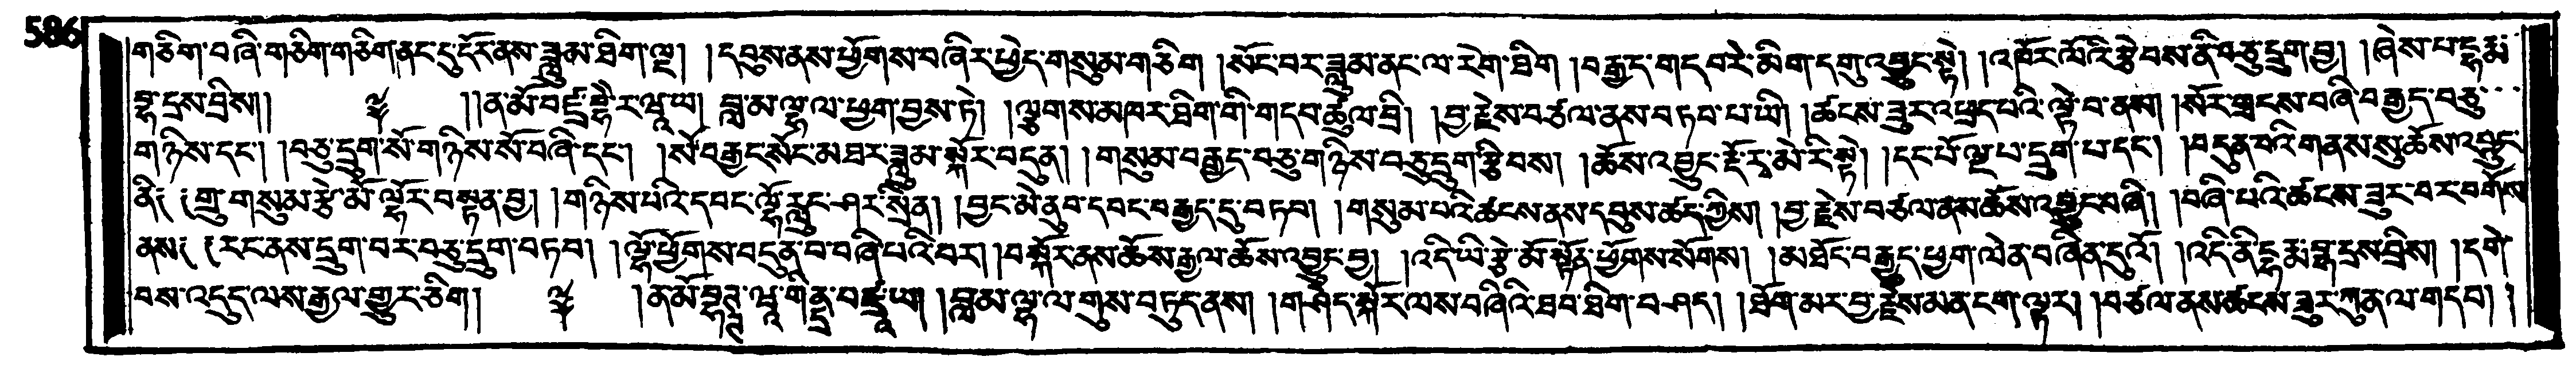གཅིག་བཞི་གཅིག་གཅིག །ནང་དུ་དོར་ནས་ཟླུམ་ཐིག་ལྔ། །དབུས་ནས་ཕྱོགས་བཞིར་ཕྱེད་གསུམ་གཅིག །སོང་བར་ཟླུམ་ནང་ལ་རེག་ཐིག །བརྒྱད་གདབ་རེ་མིག་དགུ་འབྱུང་སྟེ། །འཁོར་ལོའི་རྩེ་བས་ནི་བཅུ་དྲུག་བྱ། །ཞེས་པ་དྷརྨ་
བྷ་དྲས་བྲིས།། འ་།།ན་མོ་བཛྲ་བྷཻ་ར་ཝཱ་ཡ། བླ་མ་ལྷ་ལ་ཕྱག་བྱས་ཏེ། །ལྕགས་མཁར་ཐིག་གི་གདབ་ཚུལ་བྲི། །བྱ་རྗེས་བཙལ་ནས་བཏབ་པ་ཡི། །ཚངས་ཟུར་འཕྲད་པའི་ལྟེ་བ་ནས། །སོར་གྲངས་བཞི་བརྒྱད་བཅུ་་་
གཉིས་དང་། །བཅུ་དྲུག་སོ་གཉིས་སོ་བཞི་དང་། །སོ་བརྒྱང་སོང་མཐར་ཟླུམ་སྐོར་བདུན། །གསུམ་བརྒྱད་བཅུ་གཉིས་བཅུ་དྲུག་རྩིབས། །ཆོས་འབྱུང་རྡོ་རྭ་མེ་རི་སྟེ། །དང་པོ་ལྔ་པ་དྲུག་པ་དང་། །བདུན་པའི་གནས་སུ་ཆོས་འབྱུང་
ནི༑ ༑གྲུ་གསུམ་རྩེ་མོ་ལྷོར་བསྟན་བྱ། །གཉིས་པའི་དབང་ལྷོ་རླུང་ཤར་སྲིན། །བྱང་མེ་ནུབ་དབང་བརྒྱད་དུ་བཏབ། །གསུམ་པའི་ཚངས་ནས་དབུས་ཚད་ཀྱིས། །བྱ་རྗེས་བཙལ་ནས་ཆོས་འབྱུང་བཞི། །བཞི་པའི་ཚངས་ཟུར་བར་བགོས་
ནས༑ ༑རང་ནས་དྲུག་བར་བཅུ་དྲུག་བཏབ། །ལྷོ་ཕྱོགས་བདུན་བ་བཞི་པའི་བར། །བསྐོར་ནས་ཆོས་རྒྱལ་ཆོས་འབྱུང་བྱ། །འདི་ཡི་རྩེ་མོ་སྟོན་ཕྱོགས་སོགས། །མཐོང་བརྒྱུད་ཕྱག་ལེན་བཞིན་དུའོ། །འདི་ནི་དྷརྨ་བྷ་དྲས་བྲིས། །དགེ་
བས་འདུད་ལས་རྒྱལ་གྱུར་ཅིག། འ་།ན་མོ་བྷཊྚ་ཝཱ་གིནྡྲ་བཛྲཱ་ཡ། །བླ་མ་ལྷ་ལ་གུས་བཏུད་ནས། །གཤེད་སྐོར་ལས་བཞིའི་ཐབ་ཐིག་བཤད། །ཐོག་མར་བྱ་རྗེས་མན་ངག་ལྟར། །བཙལ་ནས་ཚངས་ཟུར་ཀུན་ལ་གདབ། །